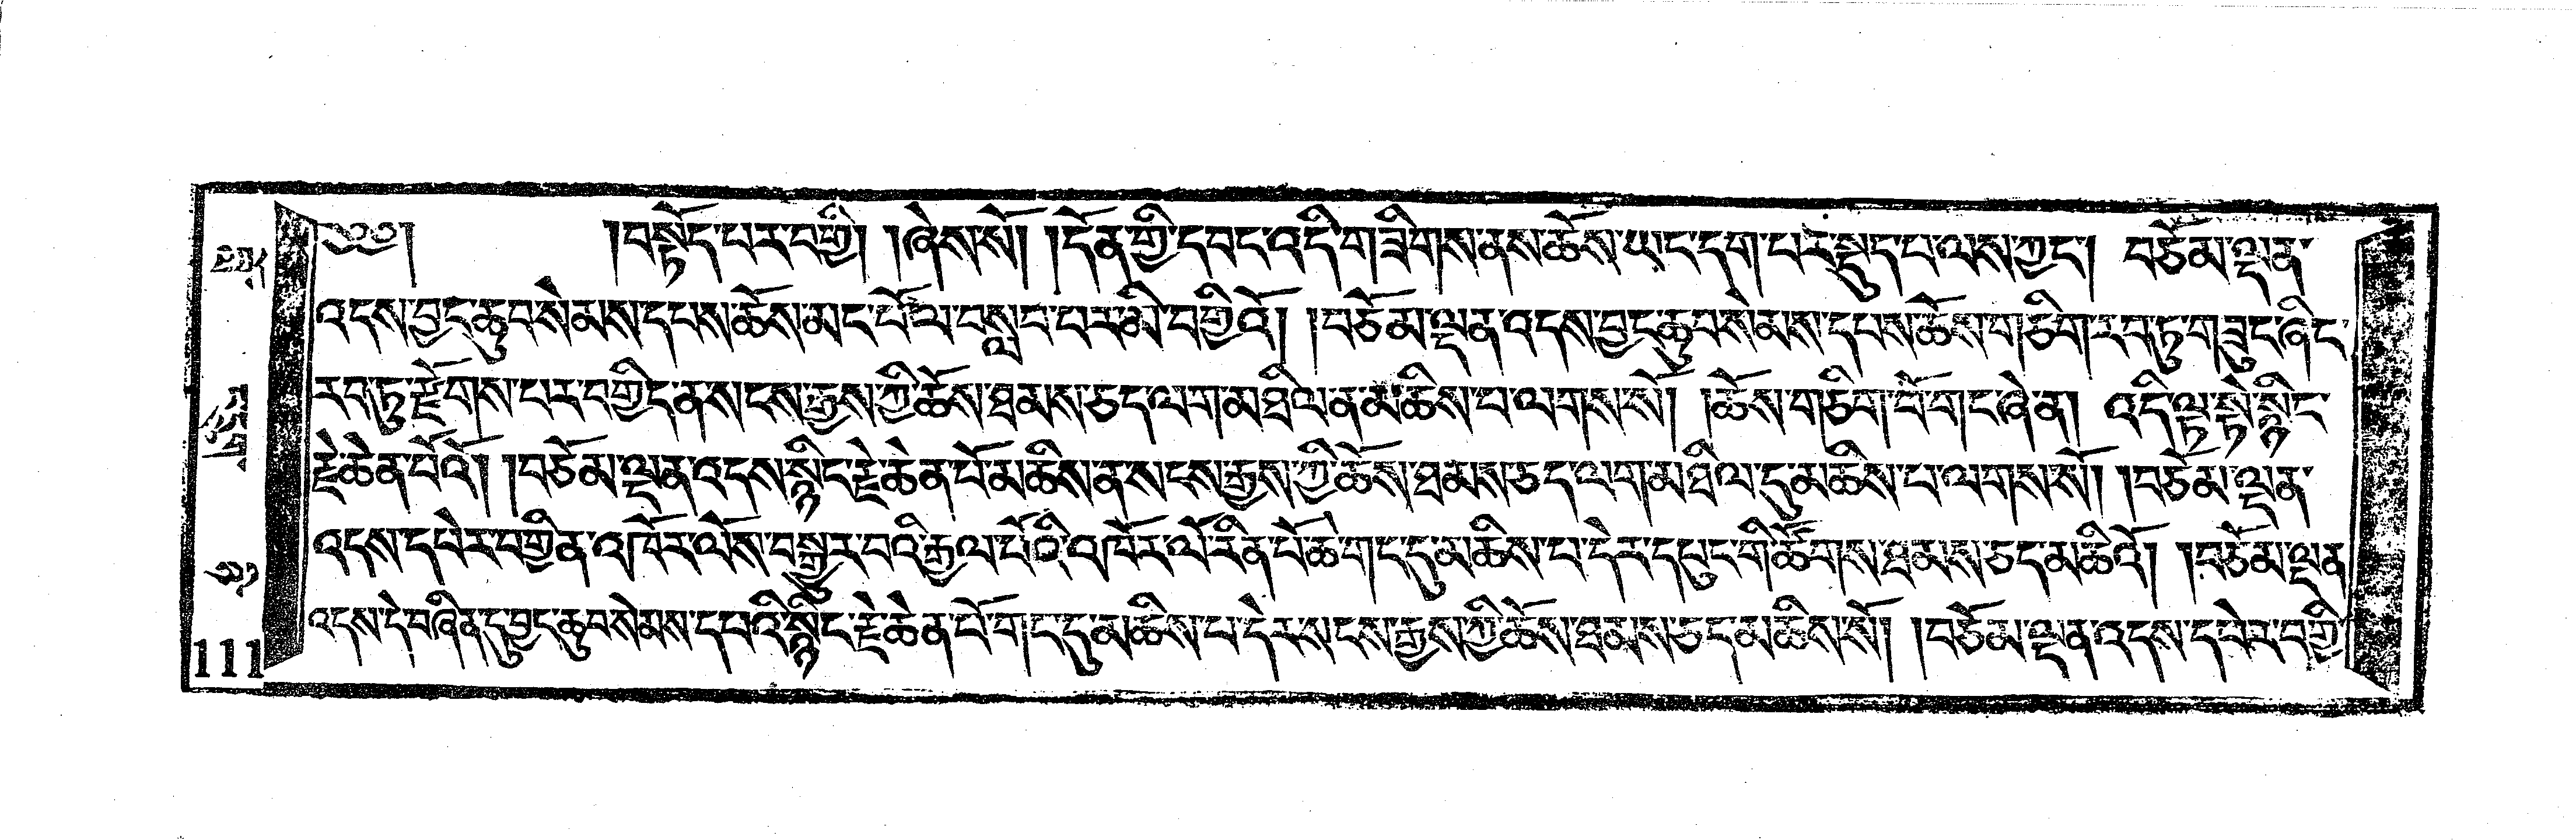༄༅། །བསྟོད་པར་བགྱི། །ཞེས་སོ། །དོན་གྱི་དབང་འདི་གཟིགས་ནས་ཆོས་ཡང་དག་པར་སྡུད་པ་ལས་ཀྱང་། བཅོམ་ལྡན་
འདས་བྱང་ཆུབ་སེམས་དཔས་ཆོས་མང་པོ་ལ་བསླབ་པར་མི་བགྱིའོ། །བཅོམ་ལྡན་འདས་བྱང་ཆུབ་སེམས་དཔས་ཆོས་གཅིག་རབ་ཏུ་གཟུང་ཞིང་
རབ་ཏུ་རྫོགས་པར་བགྱིད་ན་སངས་རྒྱས་ཀྱི་ཆོས་ཐམས་ཅད་ལག་མཐིལ་ན་མཆིས་པ་ལགས་སོ། །ཆོས་གཅིག་པོ་གང་ཞེ་ན། འདི་ལྟ་སྟེ་སྙིང་
རྗེ་ཆེན་པོའོ། །བཅོམ་ལྡན་འདས་སྙིང་རྗེ་ཆེན་པོ་མཆིས་ན་སངས་རྒྱས་ཀྱི་ཆོས་ཐམས་ཅད་ལག་མཐིལ་དུ་མཆིས་པ་ལགས་སོ། །བཅོམ་ལྡན་
འདས་དཔེར་བགྱིན་འཁོར་ལོས་བསྒྱུར་བའི་རྒྱལ་པོའི་འཁོར་ལོ་རིན་པོ་ཆེ་གང་དུ་མཆིས་པ་དེར་དཔུང་གི་ཚོགས་ཐམས་ཅད་མཆིའོ། །བཅོམ་ལྡན་
འདས་དེ་བཞིན་དུ་བྱང་ཆུབ་སེམས་དཔའི་སྙིང་རྗེ་ཆེན་པོ་གང་དུ་མཆིས་པ་དེར་སངས་རྒྱས་ཀྱི་ཆོས་ཐམས་ཅད་མཆིས་སོ། །བཅོམ་ལྡན་འདས་དཔེར་བགྱི་